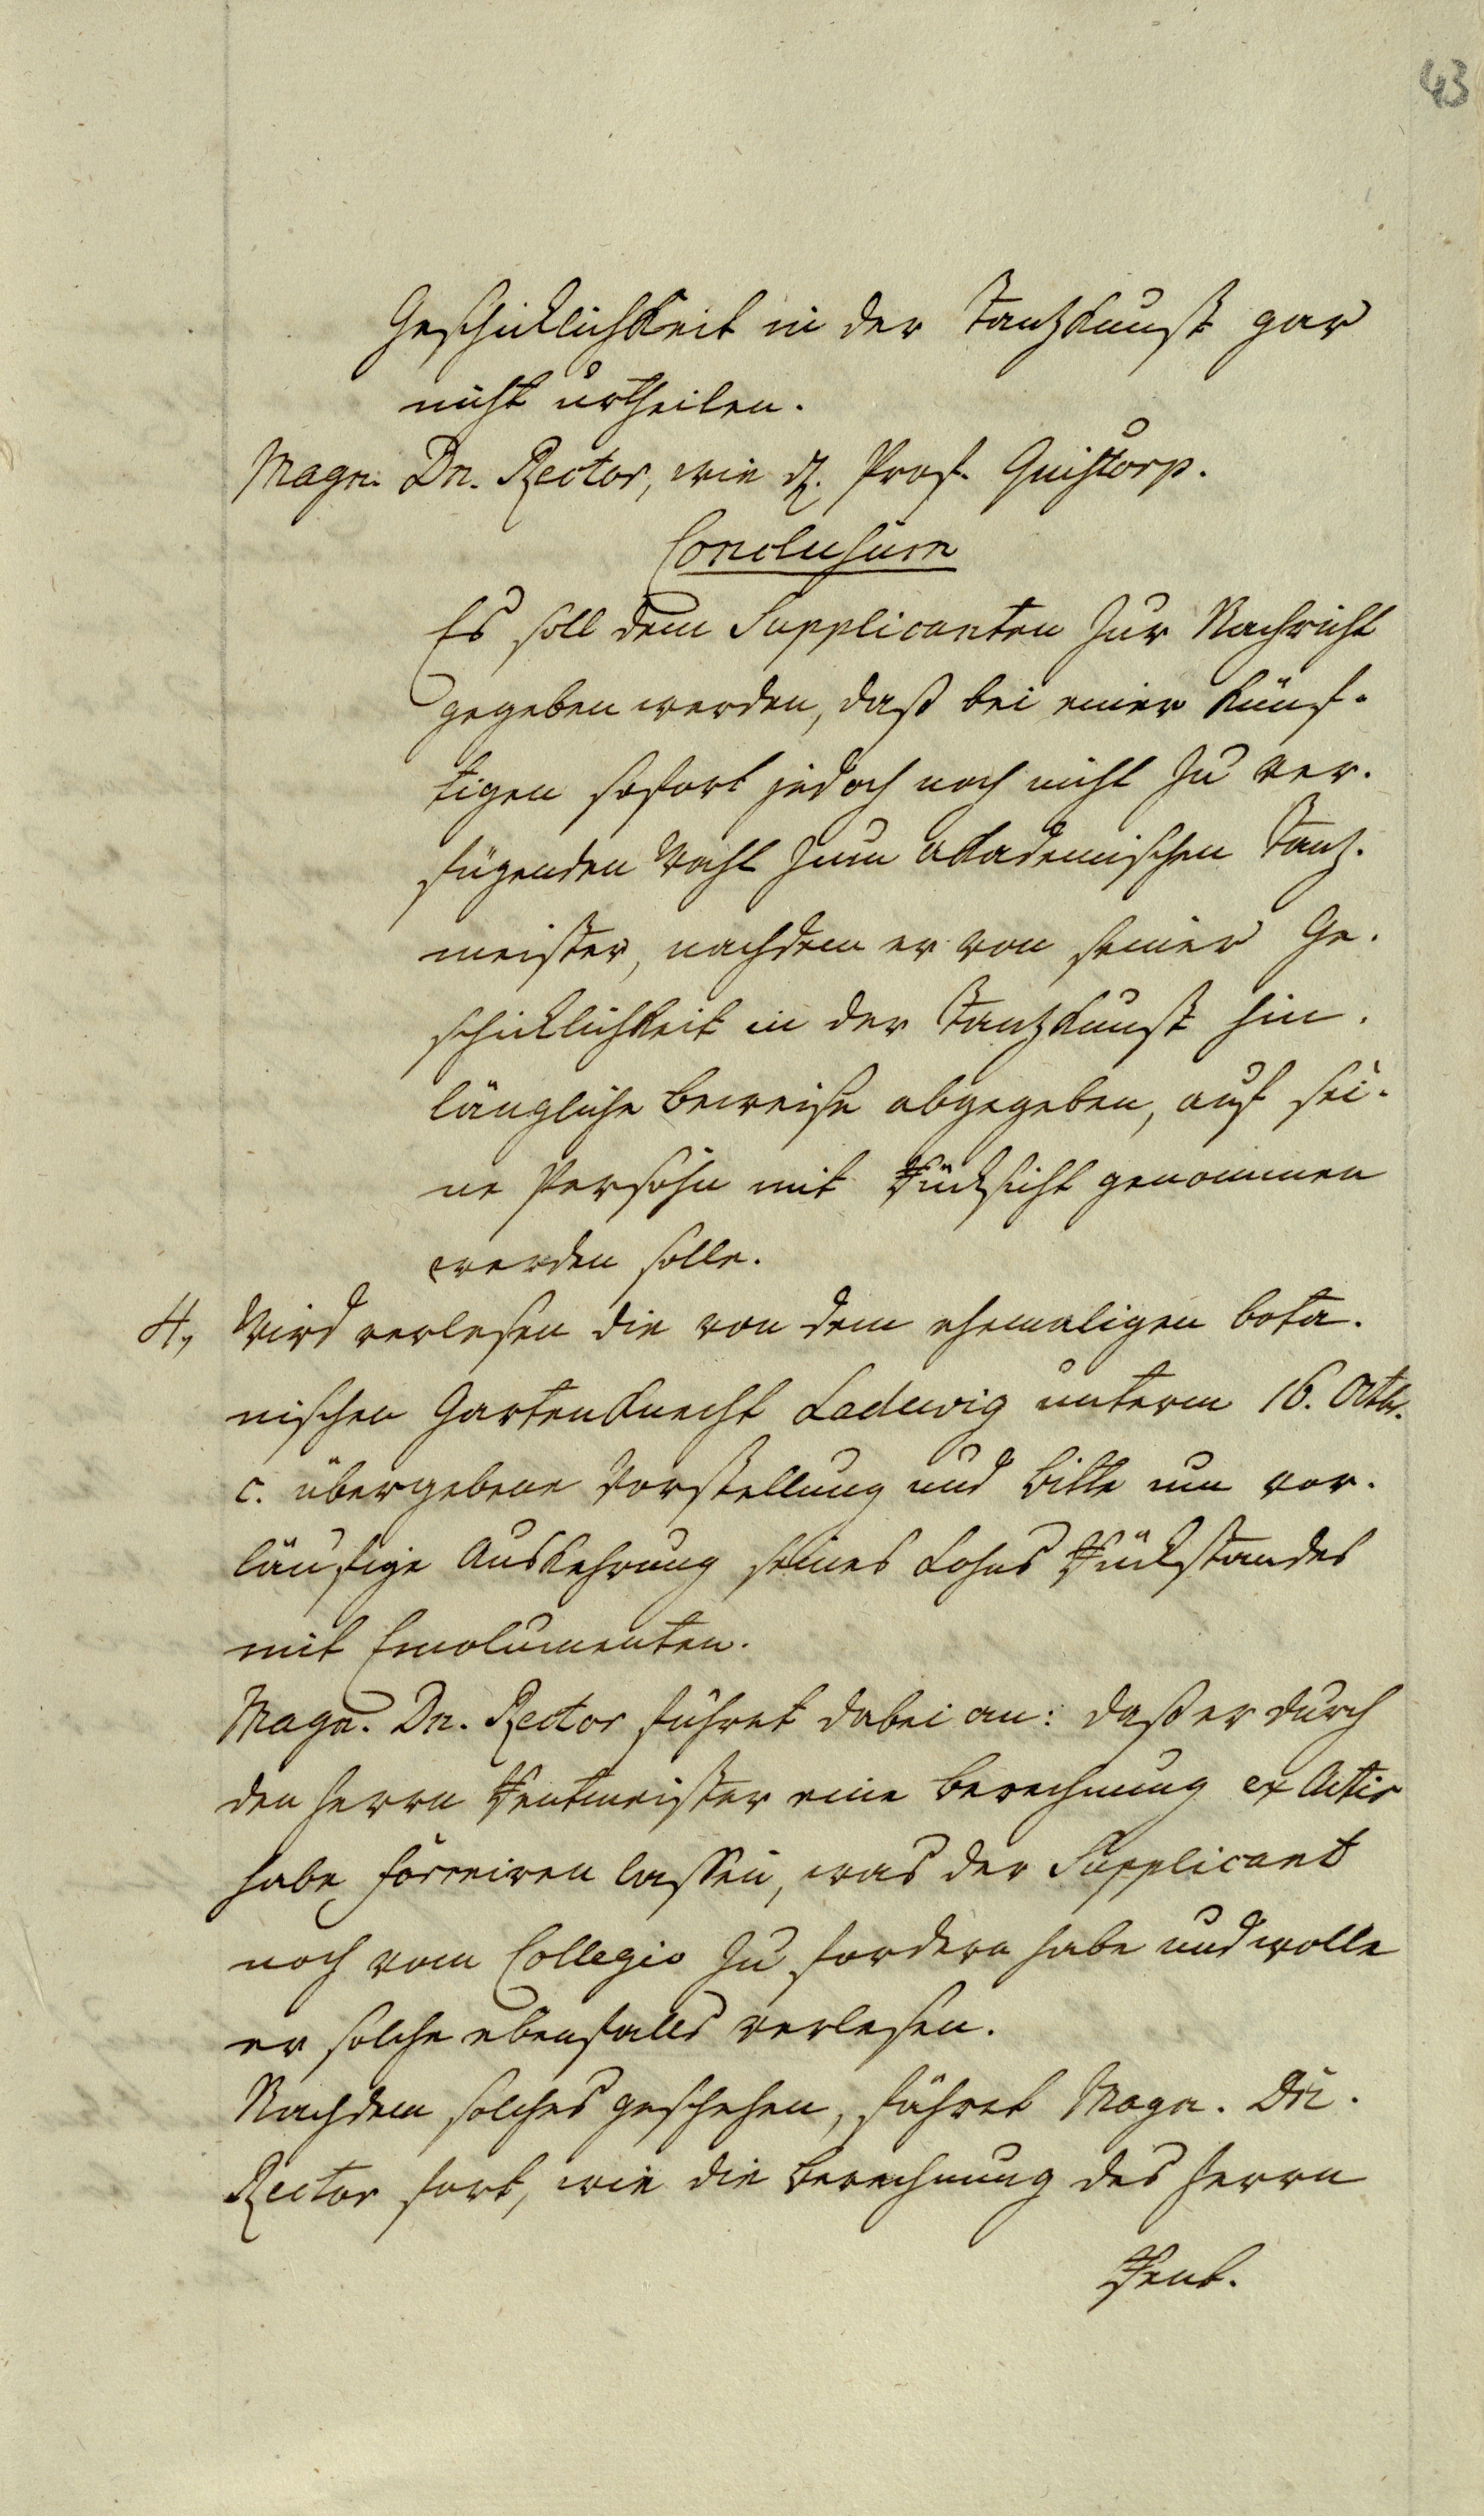Geschicklichkeit in der Tanzkunst gar
nicht urtheilen.
Magn. Dn. Rector, wie dh. Prof. Quistorp.
Conclusum
Es soll dem Supplicanten zur Nachricht
gegeben werden, daß bei einer künf¬
tigen sofort jedoch noch nicht zu ver¬
fügenden Wahl zum akademischen Tanz¬
meister, nachdem er von seiner Ge¬
schicklichkeit in der Tanzkunst hin¬
längliche Beweise abgegeben, auf sei¬
ne Persohn mit Rücksicht genommen
werden solle.
4., Wird verlesen die von dem ehemaligen bota¬
nischen Gartenknecht Ladewig unterm 16. Octbr.
c. übergebene Vorstellung und Bitte um vor¬
läufige Auskehrung seines Lohns Rückstandes
mit Emolumenten.
Magn. Dn. Rector führet dabei an: daß er durch
den Herrn Rentmeister eine Berechnung ex Actis
habe formiren lassen, was der Supplicant
noch vom Collegio zu fordern habe und wolle
er solche ebenfalls verlesen.
Nachdem solches geschehen, fähret Magn. Dn.
Rector, wie die Berechnung des Herrn
Rent¬